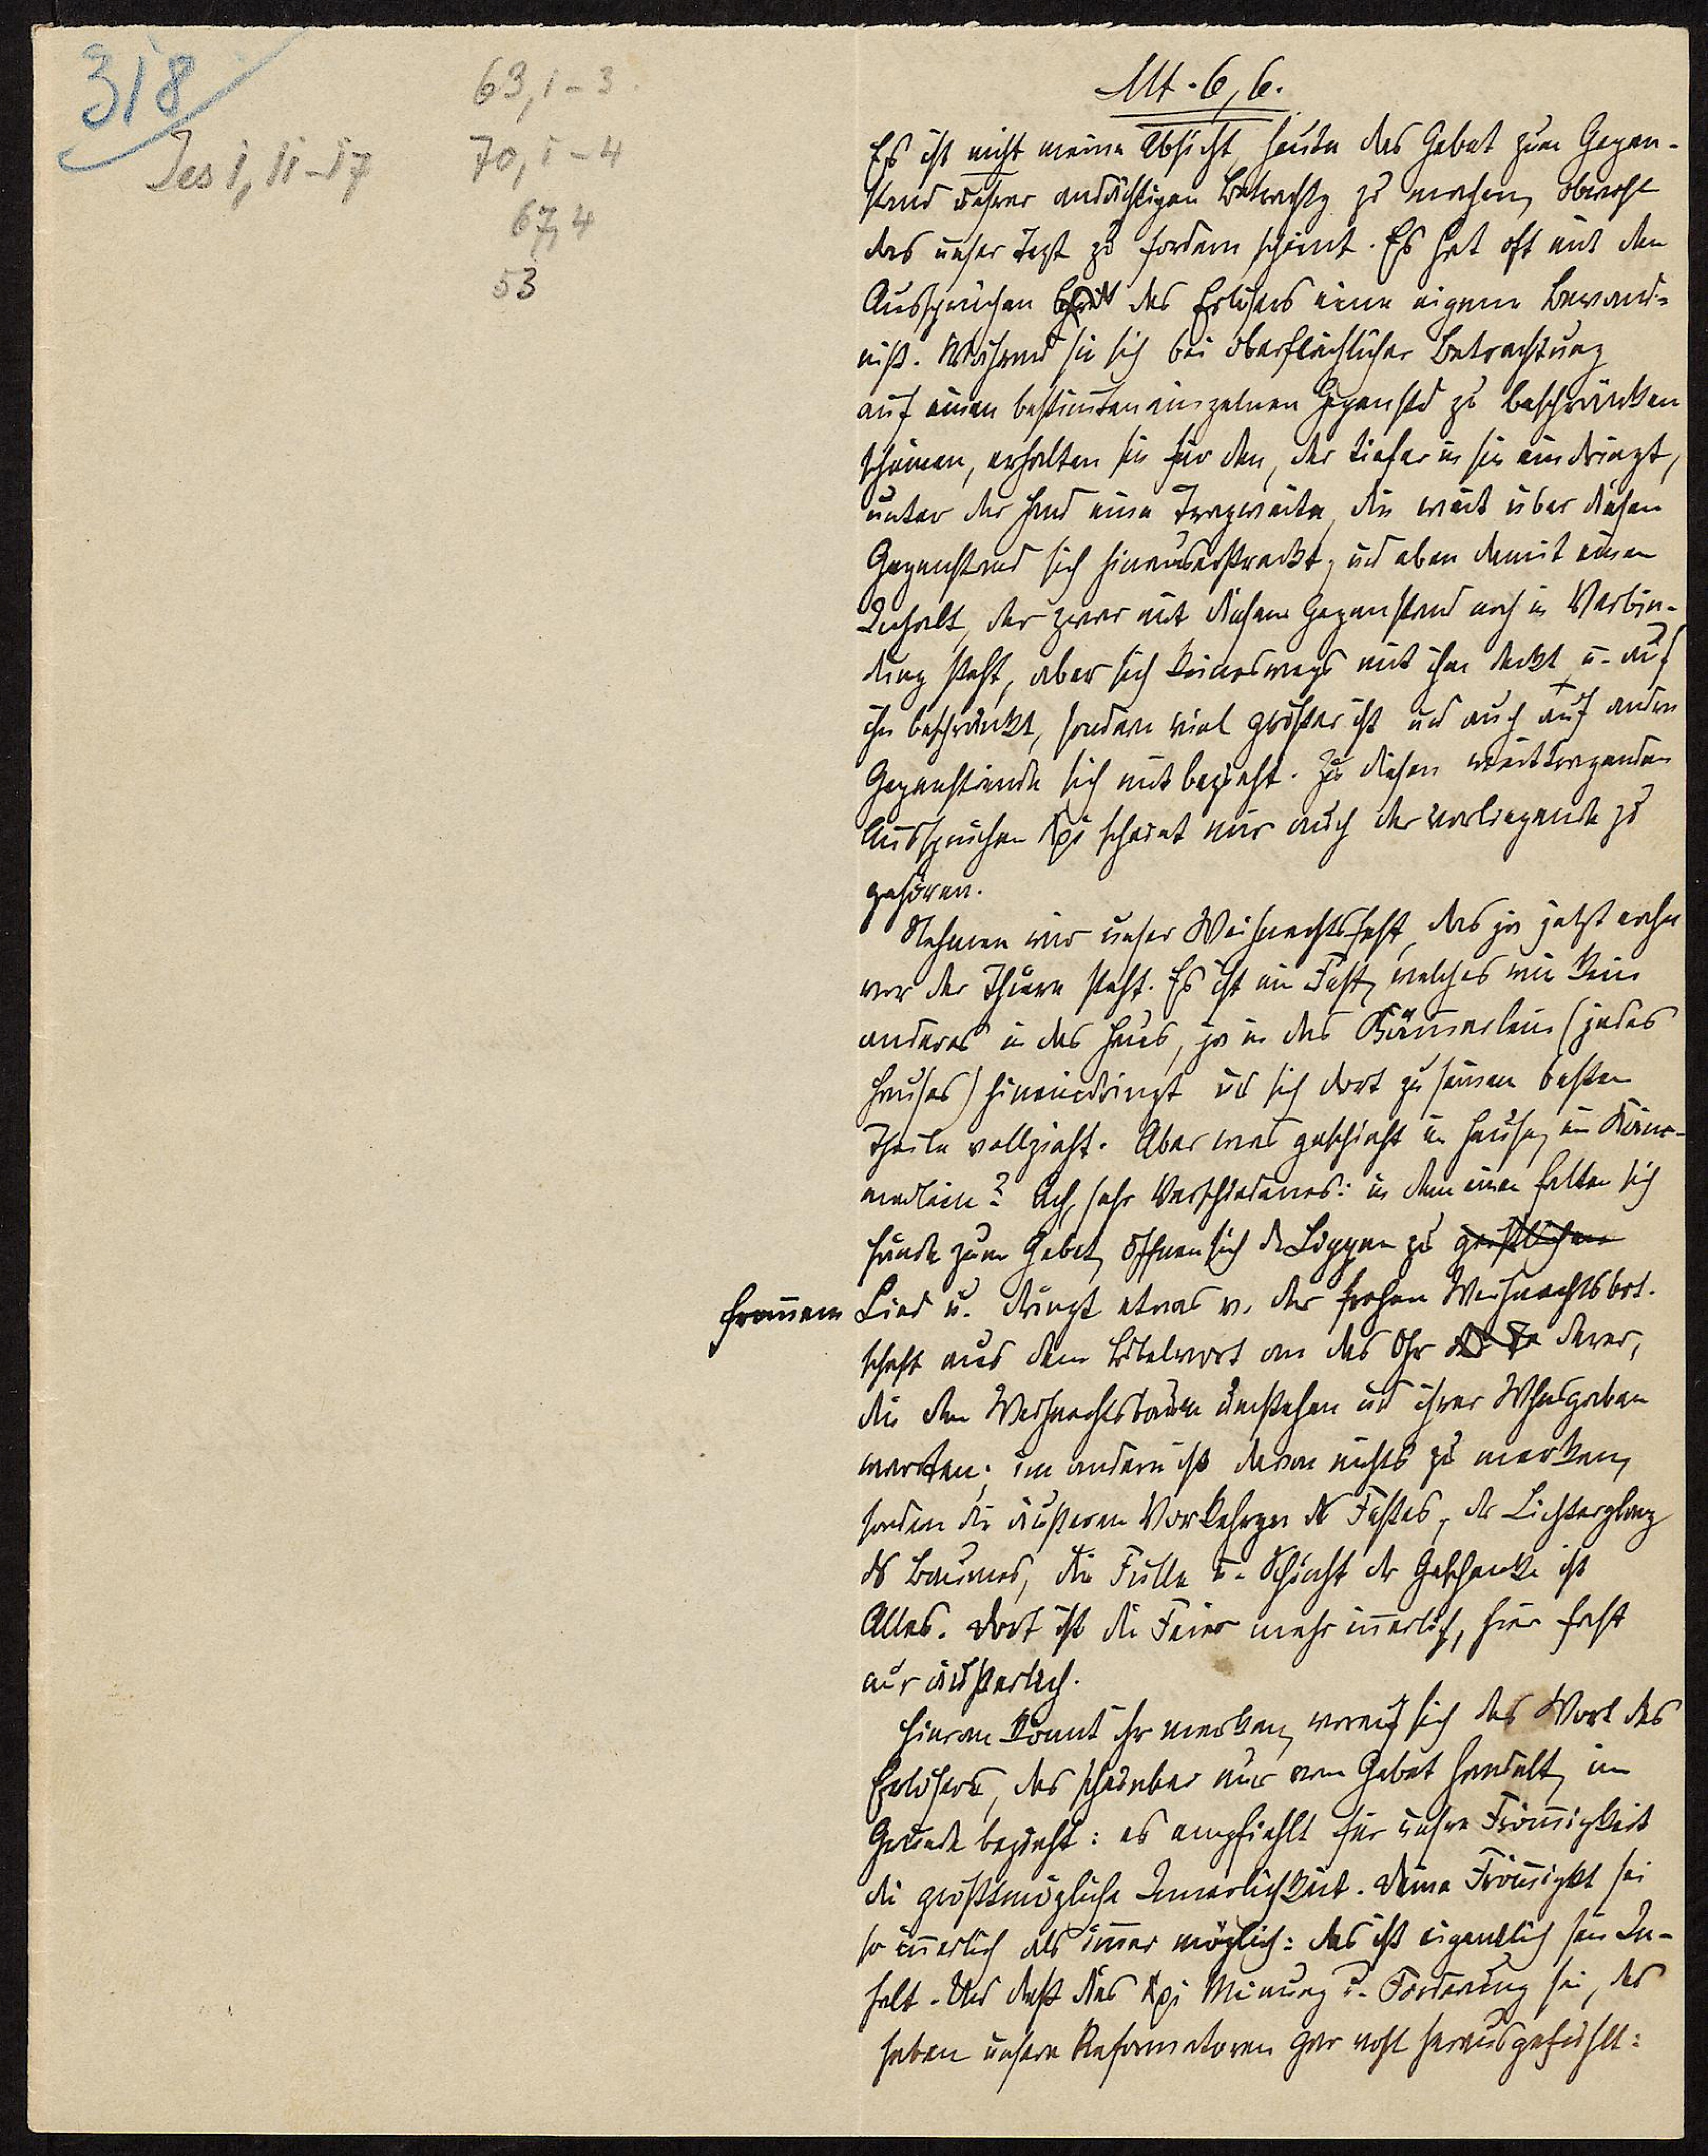318
Jes 1,11-17
63,1-3
70,1-4
67,4
53
fromen
Mt. 6,6.
Es ist nicht meine Absicht heute das Gebet zum Gegen¬
stand unsrer andächtigen Betrachtg zu machen, obwohl
das unser Text zu fordern scheint. Es hat oft mit den
aussprüchen Chr. des Erlösers eine eigne Bewand¬
niß. Während sie sich bei oberflächlicher Betrachtung
auf einen bestimten einzelnen Gegenstd zu beschränken
scheinen, erhalten sie für den, der tiefer in sie eindringt,
unter der Hand eine Tragweite, die weit über diesen
Gegenstand sich hinauserstrekt, und eben damit einen
Inhalt, der zwar mit diesem Gegenstand noch in Verbin¬
dung steht, aber sich keineswegs mit ihm deckt u. auf
ihn beschränkt, sondern viel größer ist und auch auf andre
Gegenstände sich mit bezieht. Zu diesen weittragenden
Aussprüchen Χρι scheint mir auch der vorliegend zu
gehören.
Nehmen wir unser Weihnachtsfest, das ja jetzt nahe
vor der Thüre steht. Es ist ein Fest, welches wie kein
anderes in das Haus, ja in das Kämerlein (jedes
Hauses) hineindrinft und sich dort zu seinem besten
Theile vollzieht. Aber was geschieht im Hause, im Käm¬
merlein? Ach, sehr Verschiedene: in dem einen halten sich
Hände zum Gebet, öffnen sich die Lippen zu geistlichem
Lied u. drängt etwas v. der frohen Weihnachtsbot¬
schaft aus dem Bibelwort an das Ohr der Fa derer,
die den Weihnachtsbaum umstehen und ihrer Whnsgaben
warten; im andern ist davon nichts zu merken,
sondern die äußeren Vorkehrgn ds Festes, der Lichterglanz
ds Baumes, die Fülle u. Schönht. der Geschenke ist
Alles. Dort ist die Feier mehr inerlich, hier fast
nur äußerlich.
Hieran könnt ihr merken, worauf sich das Wort des
Erlösers, das scheinbar nur vom Gebet handelt, im
Grunde bezieht: es empiehtl für unsre Frömigkeit
die größtmögliche Innerlichkeit. Deine Frömigkeit sei
so inerlich als imer möglich: das ist eigentlich sein In¬
halt. Und daß dies Χρι Meinung u. Forderung sei, das
haben unsere Reformatoren gar wohl herausgefühlt: